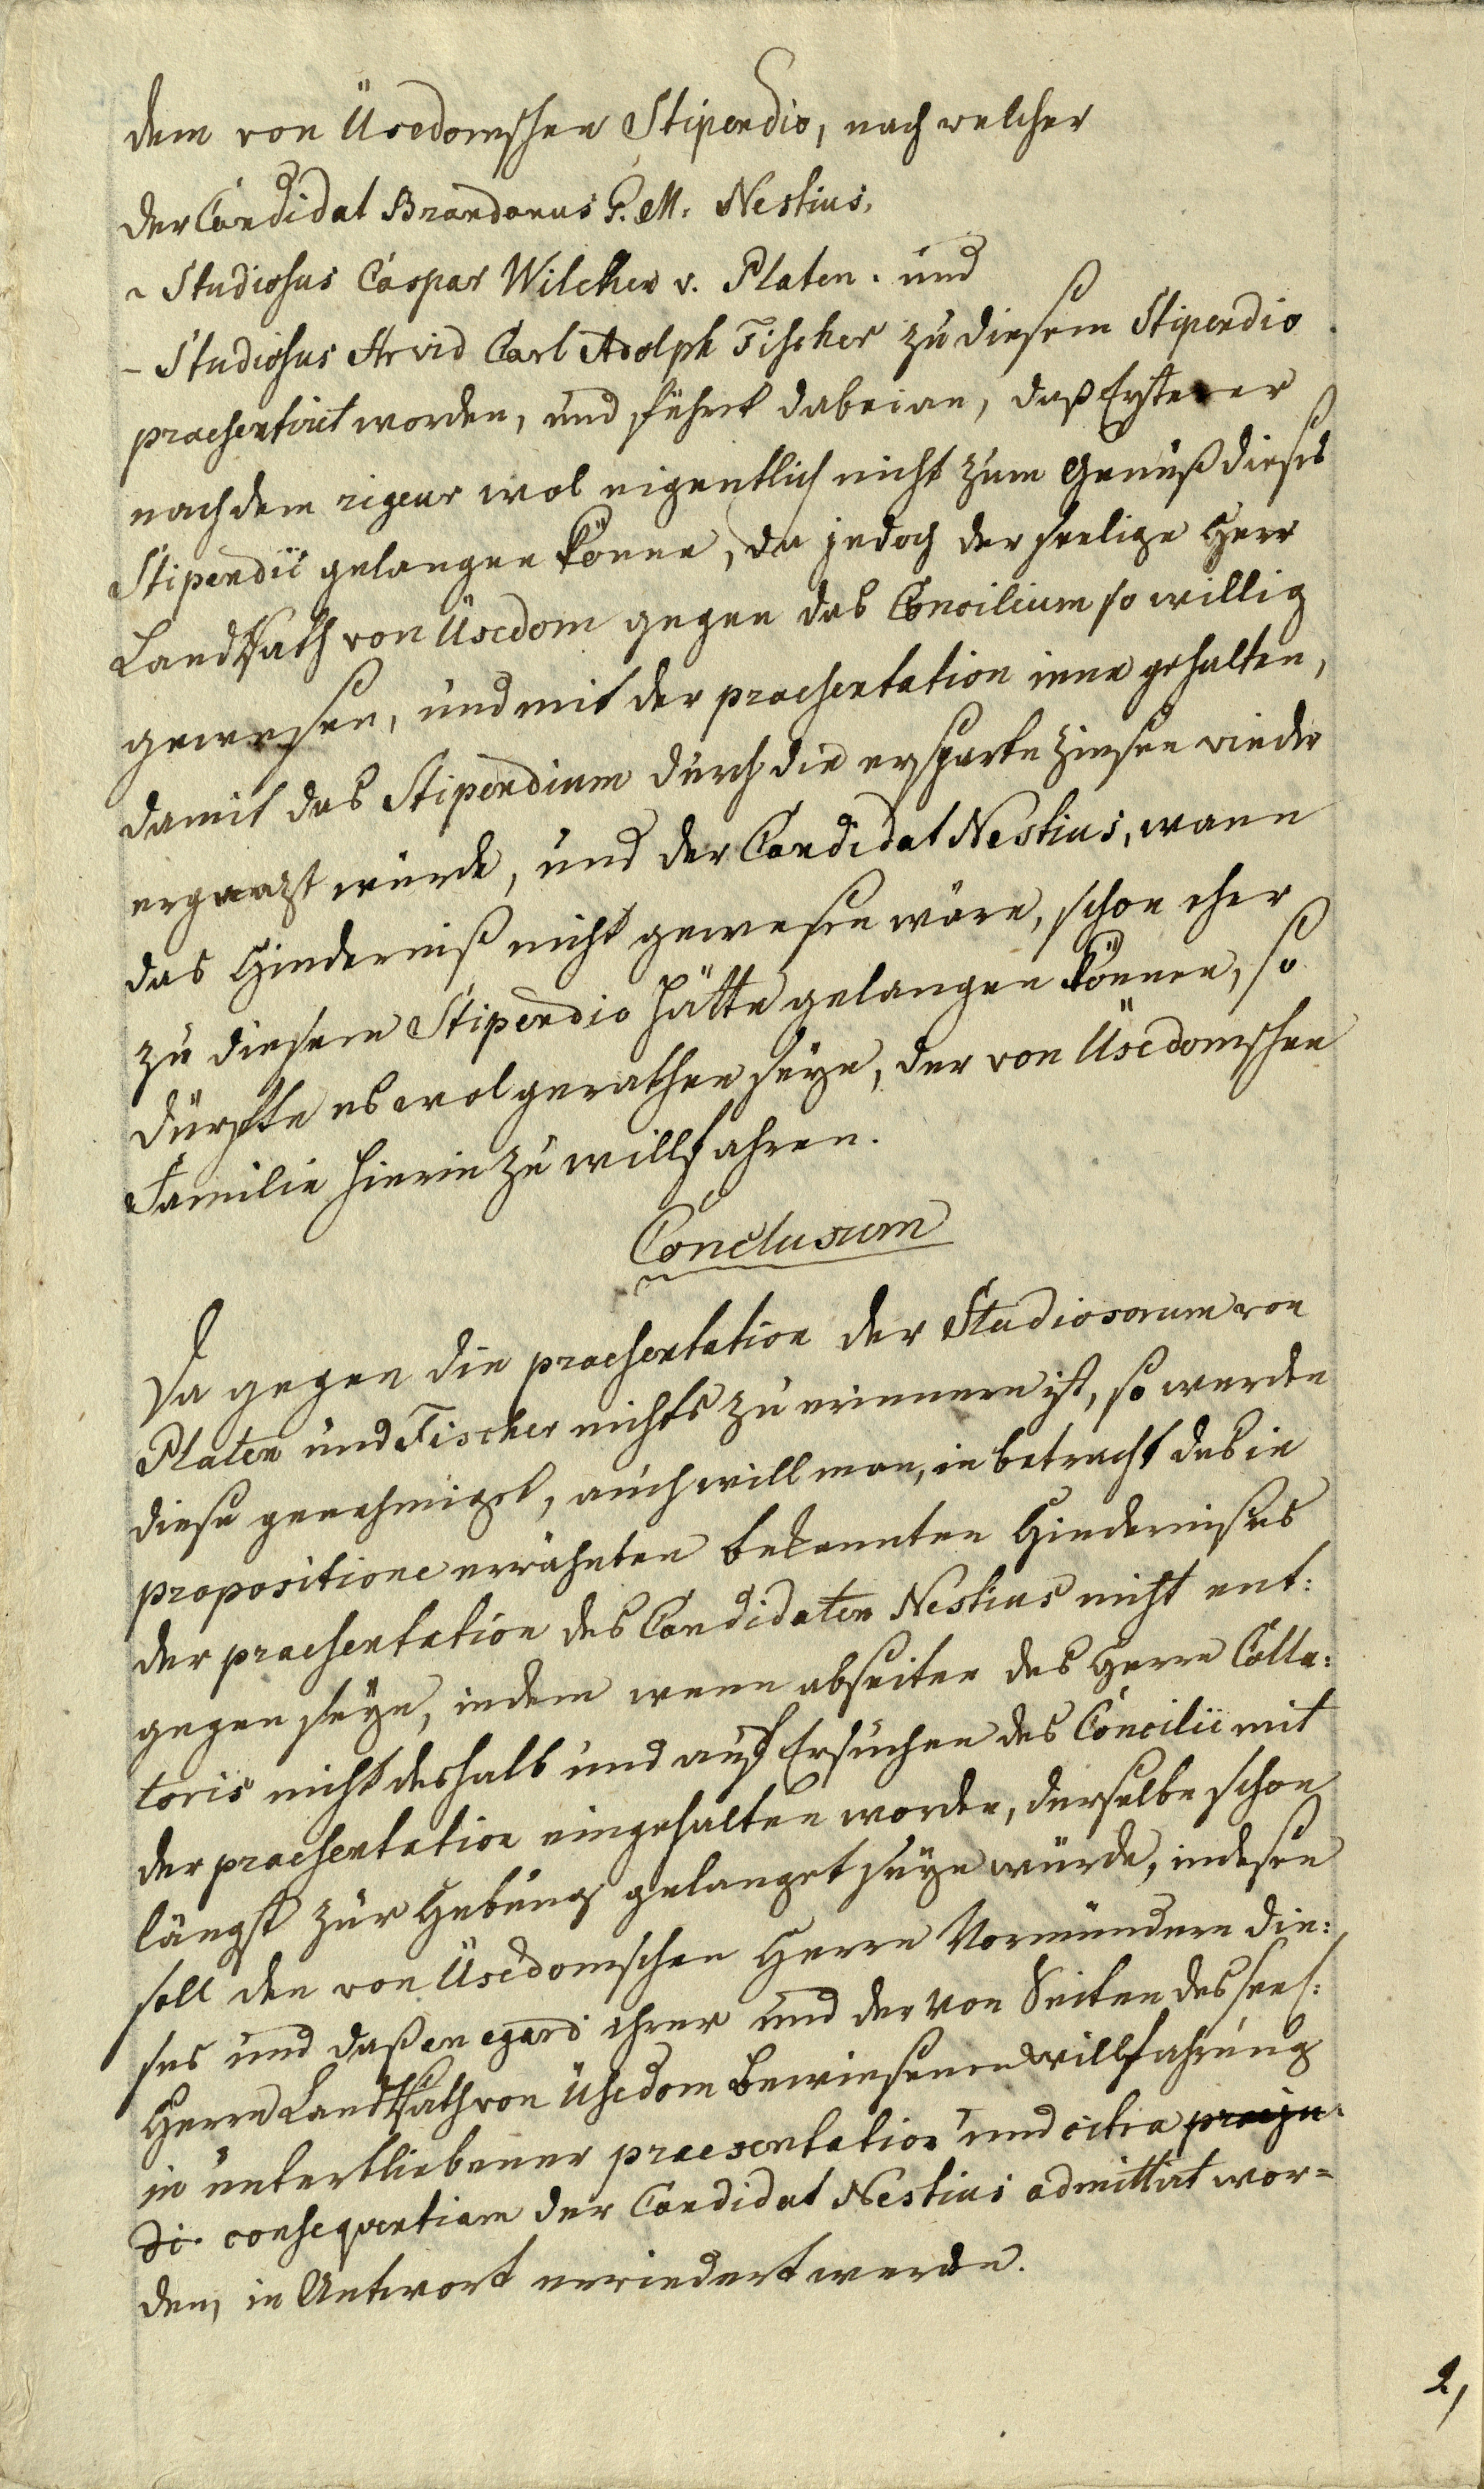dem von Üsedomschen Stipendio, nach welcher
der Candidat Brandanus G. M. Nestius,
Studiosus Caspar Wilcken v. Platen und
Studiosus Arvid Carl Adolph Fischer zu diesem Stipendio
praesentiret worden, und führet dabei an, daß Ersterer
nach dem rigeur wol eigentlich nicht zum Genuß dieses
Stipendii gelangen könne, da jedoch der seelige Herr
LandRath von Üsedom gegen das Concilium so willig
gewesen, und mit der praesentation inne gehalten,
damit das Stipendium durch die ersparte Zinsen wieder
erganzt würde, und der Candidat Nestius, wann
das Hinderniß nicht gewesen wäre, schon eher
zu diesem Stipendio hätte gelangen können, so
dürfte es wol gerathen seÿn, der von Üsedomschen
Familie hierin zu willfahren.
Conclusum
Da gegen die praesentation der Studiosorum von
Platen und Fischer nichts zu erinnern ist, so werden
diese genehmiget, auch will man, in betracht das in
propositione erwähnten Bekannten Hindernißes
der praesentation des Candidaten Nestius nicht ent¬
gegen seÿn, indem wenn abseiten des Herrn Colla¬
toris nicht deshalb und auf Ersuchen des Concilii mit
der praesentation eingehalten worden, derselbe schon
längst zur Hebung gelanget seÿn würde, indeßen
soll den von Üsedomschen Herrn Vormündern die¬
ses und daß en egard ihrer und der von Seiten des seel.
Herrn LandRath von Üsedom bewiesenen Willfahrung
in unterbliebener praesentation und ectra praeju
di. consequentiam der Candidat Nestius admittirt wor¬
den, in Antwort erwiedert werden.